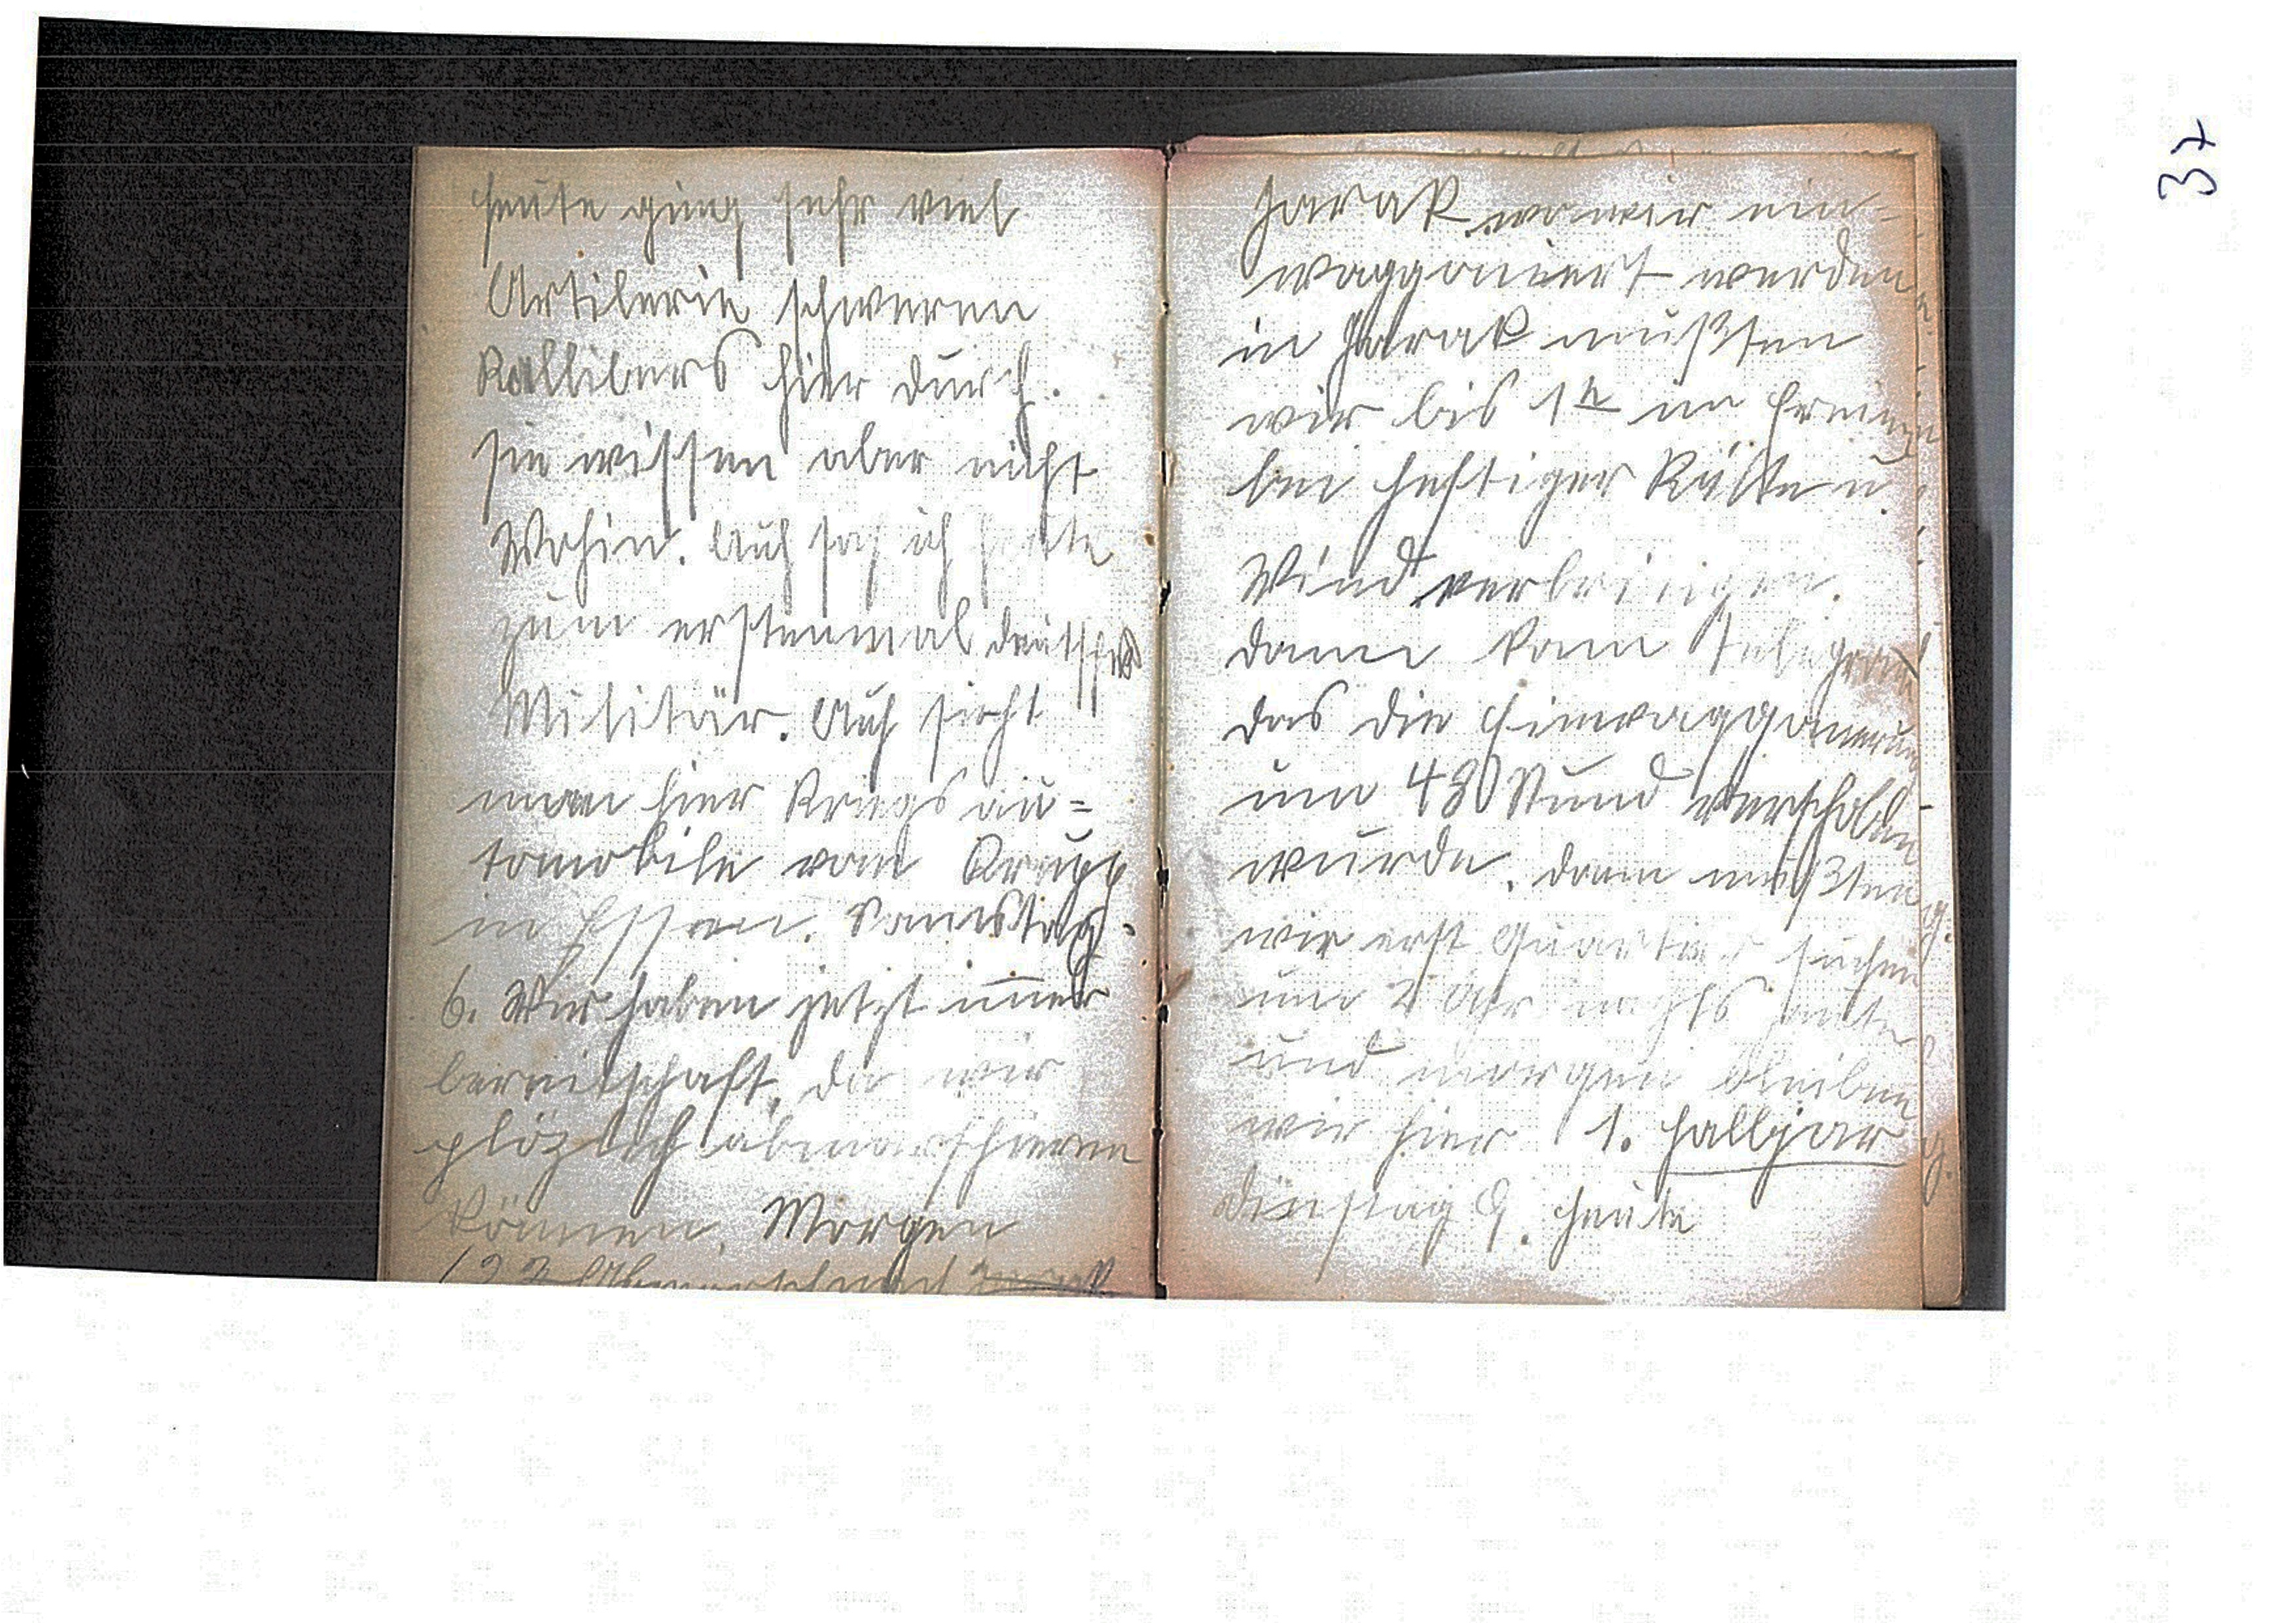Heute ging sehr viel
Artilerie schweren
Kallibers hier durch.
Sie wissen aber nicht
wohin. Auch sah ich heute
zum erstenmal deutlich
Militär. Auch sieht
man hier Kriegsau-
tomobile vom Kriegg
iness. Samstag
6. Wir haben jetzt immer
Bereitschaft, da wir
plözlich abmarschieren
können. Morgen
12 h Abmarsch nach
Jarak wo wie ein-
waggoniert wurden
in Jarak mußten
wir bis 1h im freien
bei heftiger Kälte im
Wind verbringen.
dann kam Telegram
das die Einwaggonierung
um 48 Stund verschoben
wurde, dann mußten
wir erst Quartier suchen
um 4 Uhr nachts heute
und morgen bleiben
wir hier 1. Halbjahr
Dienstag 9. Heute